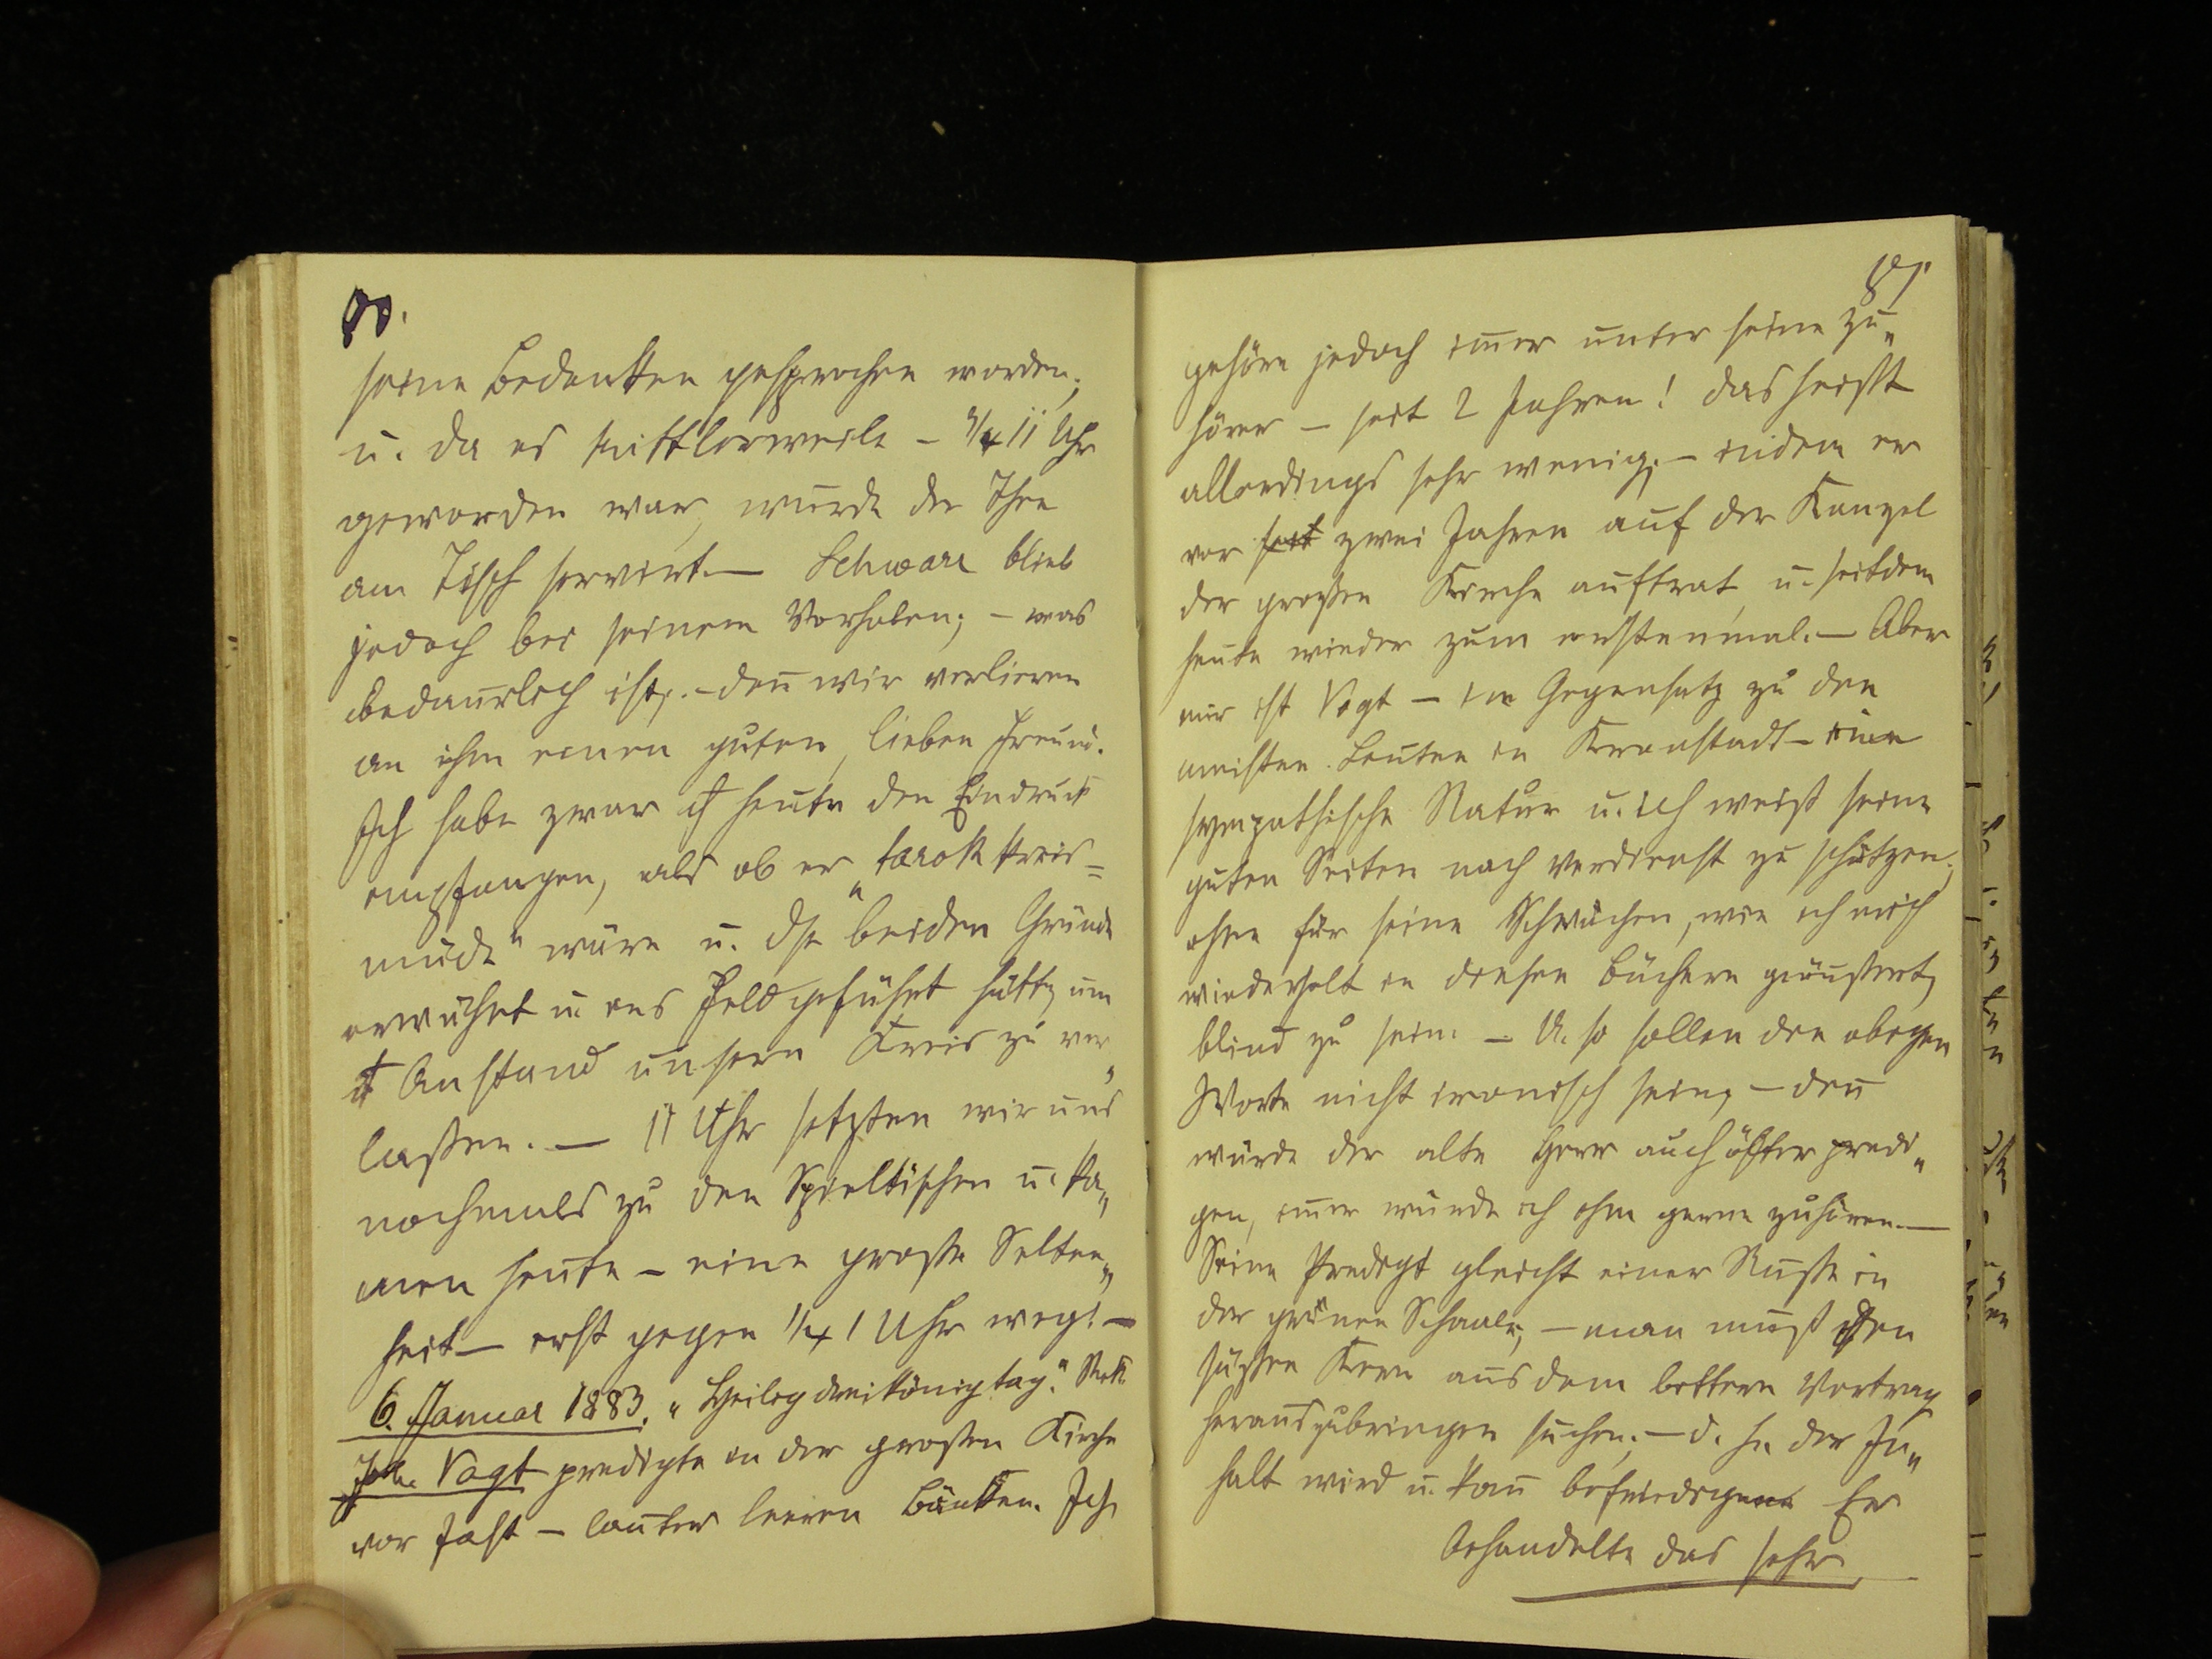80
seine Bedenken gesprochen worden
und da es mittlerweile -3/4 11 Uhr
geworden war , wurde der Thee
am Tisch serviert.-Schwarz blieb
jedoch bei seinem Vorhaben.;-was
bedauerlich ist.- denn wir verlieren
an ihm einen guten lieben Freund,
Ich habe zwar auch heute den Eindruck
empfangen, als ob er Tarockkreis¬
müde wäre und die beiden Gründe
erwähnt und ins Feld geführt hätte, um
mit Anstand unseren Kreis zu ver¬
lassen.-11 Uhr setzten wir uns
nochmals zu den Spieltischen und ka¬
men heute- eine große Selten¬
heit – erst um ¼ 1 Uhr weg.-
6. Januar1883 „“ Heilig Dreikönigtag „ Pfarrer
Joh. Vogt predigte in der großen Kirche
vor fast lauter leeren Bänken. Ich
81
gehöre jedoch immer unter seine Zu¬
hörer- seit 2 Jahren. Das heißt
allerdings sehr wenig.-indem er
vor 2 Jahre auf der Kanzel
der großen Kirche auftrat, und seitdem
heute wieder zum erstenmal..Aber
mir ist Vogt- im Gegensatz zu den
meisten Leuten in Kronstadt-eine
sympathische Natur und ich weiß seine
guten Seiten nach Verdienst zu schätzen,
ohne für seine Schwächen, wie ich wied¬
erholt in diesen Büchern geäußert
blind zu sein.- Und so sollen die obigen
Worte nicht ironisch sein.-Denn
würde der alte Herr auch öfters predi¬
gen, immer würde ich ihm gerne zuhören-
Seine Predigt gleicht einer Nuß in
einer grünen Schale-.-man muß den
süßen Kern aus dem bitteren Vortrag
herauszubringen suchen;.-nur so der In¬
halt wird und kann befriedigen. Er
behandelte das Jahr